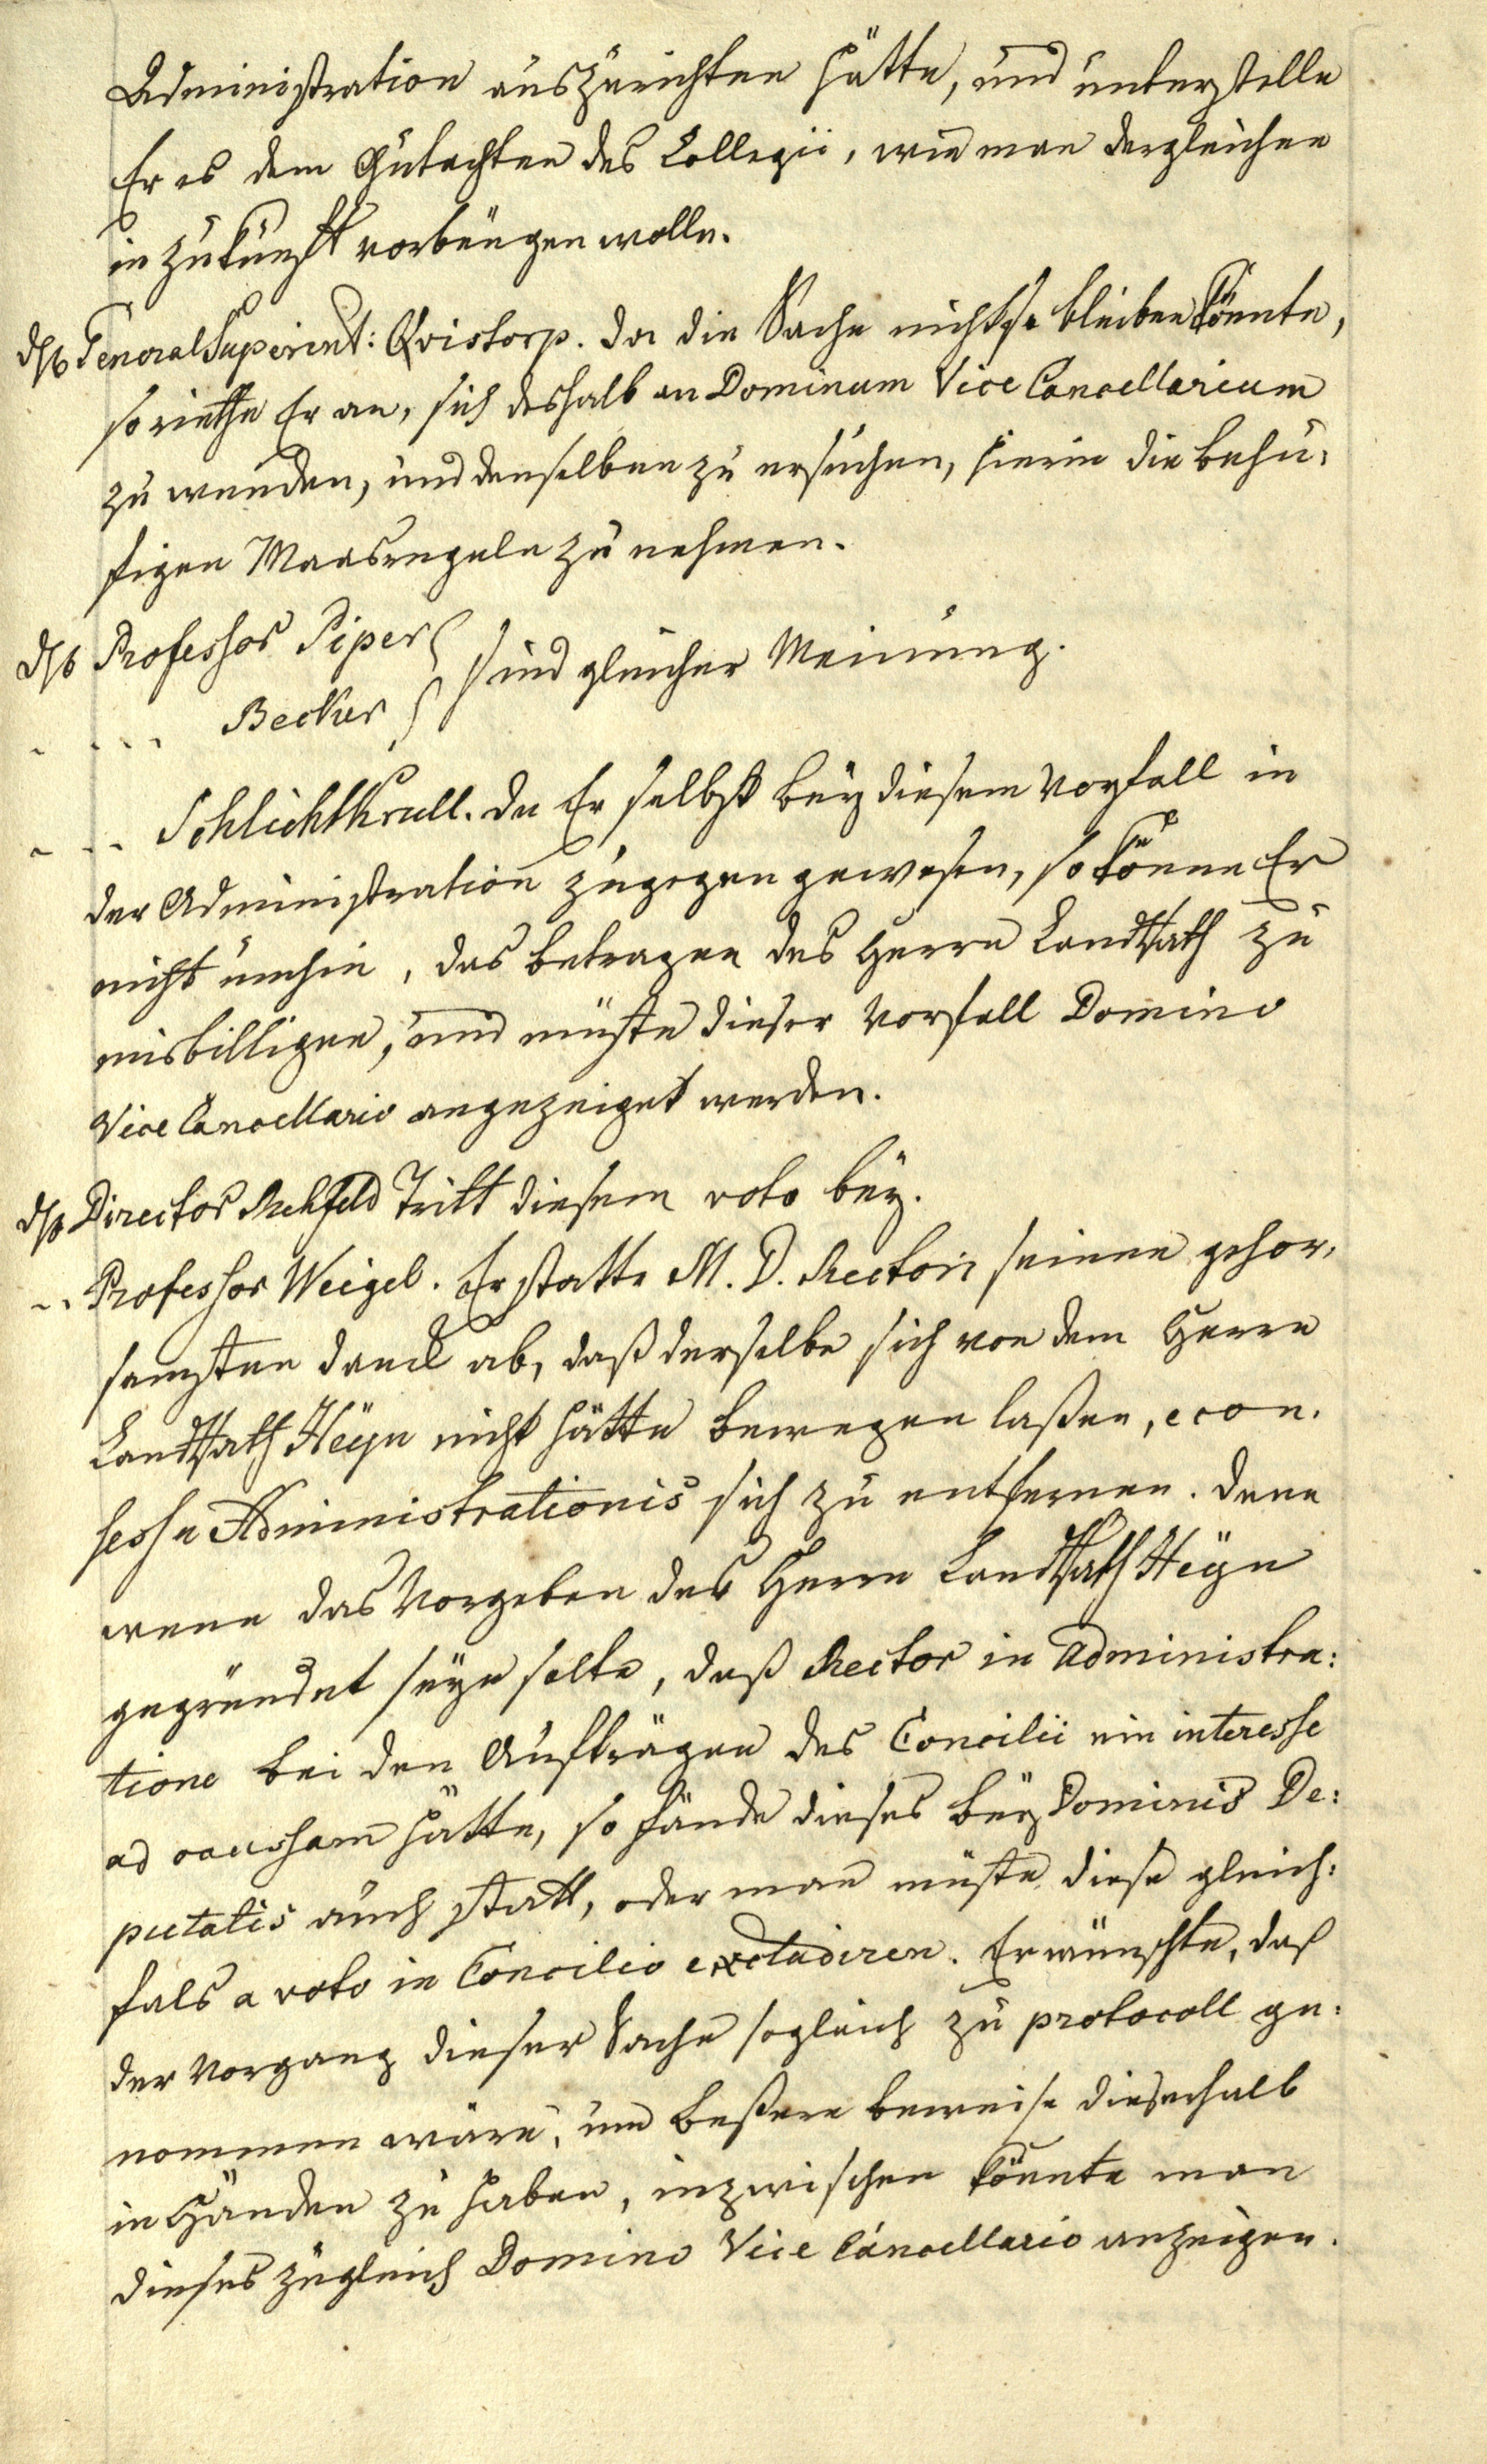Administration auszurichten hätte, und unterstelle
Er es dem Gutachten des Collegii, wie man dergleichen
in Zukunft vorbeugen wolle.
dh GeneralSuperint. Quistorp da die Sache nicht so bleiben könnte,
so riethe Er an, sich deshalb an Dominum Vice Cancellarium
zu wenden, und denselben zu ersuchen, hierin die behu¬
figen Maasregeln zu nehmen.
dh Professor Piper
sind gleicher Meinung
Becker
Schlichtkrull. Da Er selbst beÿ diesem Vorfall in
der Administration zugegen gewesen, so könne Er
nicht umhin, das Betragen des Herrn LandRath zu
misbilligen, und müste dieser Vorfall Domino
Vice Cancellario angezeiget werden.
dh Director Rehfeld Tritt diesem voto beÿ.
Professor Weigel. Er statte M. D. Rectori seinen gehor¬
samsten Dank ab, daß derselbe sich von dem Herrn
LandRath Heÿn nicht hätte bewegen laßen, e con¬
sessu Administrationis sich zu entfernen. Denn
wenn das Vorgeben des Herrn LandRath Heÿn
gegründet seÿn solte, daß Rector in Administra¬
tione bei den Aufträgen des Concilii ein interesse
ad caussam hätte, so fände dieses beÿ Dominis De¬
putatis auch statt, oder man müste diese gleich¬
fals voto in Concilio excludiren. Er wünschte, daß
der Vorgang dieser Sache sogleich zu protocoll ge¬
nommen wäre, und beßere Beweise dieserhalb
in Händen zu haben, inzwischen könnte man
dieses zugleich Domino Vice Cancellario anzeigen.